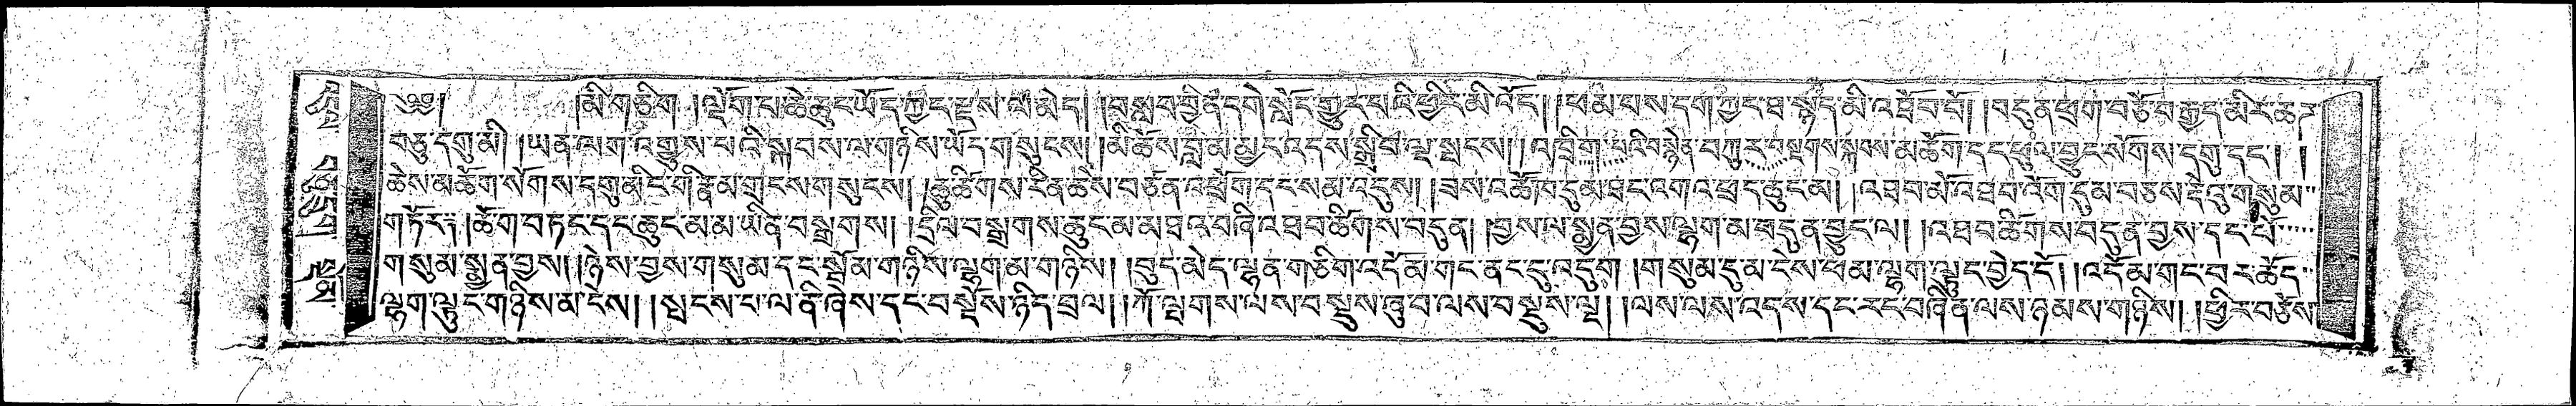༄༅། །མི་གཅིག །ལྡོག་པ་ཆེ་ཆུང་ཡོད་ཀྱང་རྫས་ལ་མེད། །བསླབ་བྱིན་དགེ་སློང་གྱུར་པའི་ཕྱིར་མི་འོང་། །ཕམ་པས་དག་ཀྱང་ཐ་སྙད་མི་འཐོབ་བོ། །བདུན་ཕྲག་བཅོ་བརྒྱད་མིར་ཆགས་
བཅུ་དགུ་མི། །ཡན་ལག་འགྱུས་པའི་སྐབས་ལ་གཉིས་ཡོད་གསུངས། །མི་ཆོས་བླ་མ་མྱང་འདས་སྒྲིབ་ལྔ་སྤངས། །འཁྲིག་པའི་བསྙེན་བཀུར་བསྔགས་སྐབས་མཆོག་དང་ཕུལ་བྱུང་སོགས་དགུ་དང་། །
ཆེས་མཆོག་སོགས་དགུ་མིང་གི་རྣམ་གྲངས་གསུངས། །ཆུ་ཚིགས་རིན་ཆེས་བཙན་འཕྲོག་དང་སམ་འདུས། །ཟས་འཚོ་ཁ་དུམ་ཐང་འགའ་ཕྲད་ཆུང་མ། །འཐབ་མོ་འཐབ་འོག་དུམ་བཅས་རྡེའུ་གསུམ་
གཏོར༑ །ཆོ་ག་བཏང་དང་ཆུང་མ་མ་ཡིན་བསྒྲགས། །དྲིལ་བསྒྲགས་ཆུང་མ་མཐའ་བཞི་འཐབ་ཚིགས་བདུན། །བྱས་ལ་སྨྱན་བྱས་ལྷག་མ་བདུན་བྱུང་ལ། །འཐབ་ཚིགས་བདུན་བྱས་དང་པོ་
གསུམ་སྨྱན་བྱས། །ཉེས་བྱས་གསུམ་དང་སྤོམ་གཉིས་ལྷག་མ་གཉིས། །བུད་མེད་ལྷན་གཅིག་འདོམ་གང་ནང་དུ་འདུག །གསུམ་དུ་མ་ངེས་ཕམ་ལྷག་ལྟུང་བྱེད་དོ། །འདོམ་གང་བར་ཆོད་
ལྷག་ལྟུང་གཉིས་མ་ངེས། །སྤངས་པ་ལ་ནི་ཞེས་དང་བསྔོས་ཉིད་བྲལ། །ཀོ་ལྤགས་ལས་བསྡུས་ཞུ་བ་ལས་བསྡུས་ལྔ། །ལས་ལས་འདས་དང་རང་བཞིན་ལས་ཉམས་གཉིས། །ཕྱིར་བཅོས་